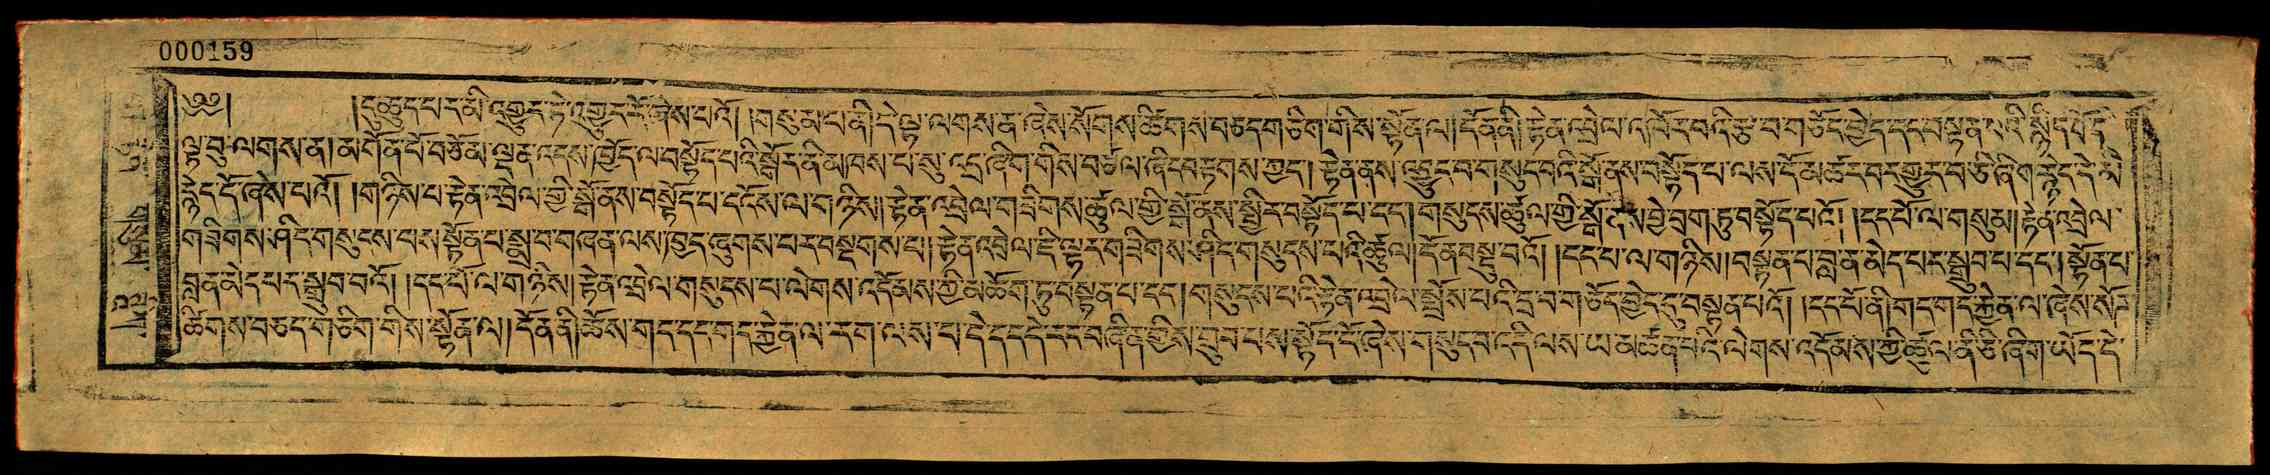༄༅། །དུ་ཆུད་པར་མི་འགྱུར་ཏེ་འགྱུར་རོ་ཞེས་པའོ། །གསུམ་པ་ནི། དེ་ལྟ་ལགས་ན་ཞེས་སོགས་ཚིགས་བཅད་གཅིག་གིས་སྟོན་ལ། དོན་ནི། རྟེན་འབྲེལ་འཁོར་བའི་རྩ་བ་གཅོད་བྱེད་དང་བསྟན་པའི་སྙིང་པོ་དེ་
ལྟ་བུ་ལགས་ན། མགོན་པོ་བཅོམ་ལྡན་འདས་ཁྱོད་ལ་བསྟོད་པའི་སྒོར་ནི་མཁས་པ་སུ་འདྲ་ཞིག་གིས་བཙལ་ཞིང་བརྟགས་ཀྱང་། རྟེན་ནས་འབྱུང་བ་གསུང་པའི་སྒོ་ནས་བསྟོད་པ་ལས་ངོ་མཚར་བར་གྱུར་པ་ཅི་ཞིག་རྙེད་དེ་མི་
སྙེད་དོ་ཞེས་པའོ། །གཉིས་པ་རྟེན་འབྲེལ་གྱི་སྒོ་ནས་བསྟོད་པ་དངོས་ལ་གཉིས། རྟེན་འབྲེལ་གཟིགས་ཚུལ་གྱི་སྒོ་ནས་སྤྱིར་བསྟོད་པ་དང་། གསུངས་ཚུལ་གྱི་སྒོ་ནས་བྱེ་བྲག་ཏུ་བསྟོད་པའོ། །དང་པོ་ལ་གསུམ། རྟེན་འབྲེལ་
གཟིགས་ཤིང་གསུངས་པས་སྟོན་པ་སྨྲ་བ་གཞན་ལས་ཁྱད་ཞུགས་པར་བསྔགས་པ། རྟེན་འབྲེལ་ཇི་ལྟར་གཟིགས་ཤིང་གསུངས་པའི་ཚུལ། དོན་བསྡུ་བའོ། །དང་པོ་ལ་གཉིས། བསྟན་པ་བླ་ན་མེད་པར་སྒྲུབ་པ་དང་། སྟོན་པ་
བླ་ན་མེད་པར་སྒྲུབ་པའོ། །དང་པོ་ལ་གཉིས། རྟེན་འབྲེལ་གསུངས་པ་ལེགས་འདོམས་ཀྱི་མཆོག་ཏུ་བསྟན་པ་དང་། གསུངས་པའི་རྟེན་འབྲེལ་སྤྲོས་པའི་དྲ་བ་གཅོད་བྱེད་དུ་བསྟན་པའོ། །དང་པོ་ནི། གང་གང་རྐྱེན་ལ་ཞེས་སོགས་
ཚིག་བཅད་གཅིག་གིས་སྟོན་ལ། དོན་ནི། ཆོས་གང་དང་གང་རྐྱེན་ལ་རག་ལས་པ་དེ་དང་དེ་རང་བཞིན་གྱིས་གྲུབ་པས་སྟོང་ངོ་ཞེས་གསུང་པ་འདི་ལས་ཡ་མཚན་པའི་ལེགས་འདོམས་ཀྱི་ཚུལ་ནི་ཅི་ཞིང་ཡོད་དེ་